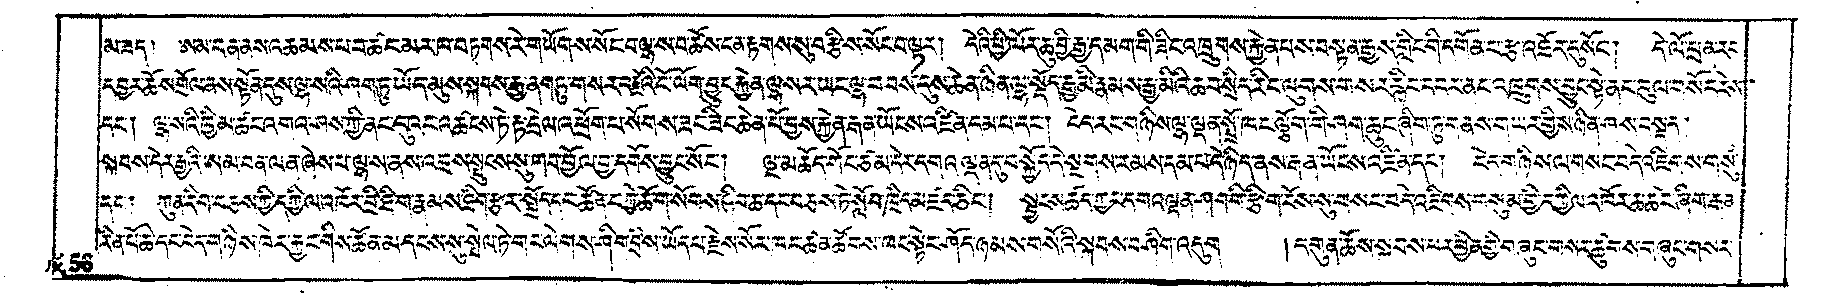མ་ཟད། ཨམ་བན་ནས་འཆམས་པ་བ་ཚང་མར་ཁ་བཏགས་རེ་གཡོགས་སོང་བ་ལྷ་ས་བ་ཚོས་ངན་རྟགས་སུ་བརྩིས་སོང་བ་ལྟར། དེའི་ཕྱི་ལོར་ཆུ་བྱི་རྒྱ་དམག་གི་ཟིང་འཁྲུགས་རྐྱེན་པས་བསྟན་རྒྱས་གླིང་གི་དགོན་པ་རྩ་འཐོར་དུ་སོང་། དེ་ལོ་ཕྲན་རང་
དབྱར་ཆོས་གྲོལ་ནས་སྟོན་དུས་ལྷ་སའི་ཤག་ཏུ་ཡོད་མུས་སྐབས་རྒྱ་ནག་ཏུ་གསར་བརྗེའི་ངོ་ལོག་བྱུང་རྐྱེན་ལྷ་སར་ཡང་ལྷ་བབས་དུས་ཆེན་ཉིན་ལྷ་སྡོད་རྒྱ་མི་རྣམས་རྒྱ་མིའི་ཆབ་སྲིད་རིང་ལུགས་གསར་རྙིང་དབར་ནང་འཁྲུགས་བྱུང་སྟེ་ནང་ཁུལ་གསོད་རེས་
དང་། ལྷ་སའི་ཁྱིམ་ཚང་འགའ་ཤས་ཀྱི་ནང་དུའང་འཚངས་ཏེ་རྟ་དྲེལ་འཕྲོག་པ་སོགས་ཟང་ཟིང་ཆེན་པོ་བྱས་རྐྱེན་རྒན་ཡོངས་འཛིན་དམ་པ་དང་། ངེད་རང་གཉིས་ལྷ་ལྡན་སྤྲོ་ཁང་ལྕོག་གི་ཤག་ཆུང་ཞིག་ཏུ་གནས་གཡར་གྱིས་ཉིན་ཤས་བསྡད།
སྐབས་དེར་རྒྱའི་ཨམ་བན་ལན་ཞེས་པ་ལྷ་ས་ནས་འབྲས་སྤུངས་སུ་གབ་བྱོལ་བྱ་དགོས་བྱུང་སོང་། ལྔ་མཆོད་གོང་ཙམ་དེར་དགའ་ལྡན་དུ་བསྐྱོད་དེ་སྔགས་རམས་དམ་པ་དེ་ཉིད་ནས་རྒན་ཡོངས་འཛིན་དང་། ངེད་གཉིས་ལ་གསང་བདེ་འཇིགས་གསུཾ་
དང་། ཀུན་རིག་བཅས་ཀྱི་དཀྱིལ་འཁོར་བྲི་ཐིག་རྣམས་ཐིག་རྩ་ར་སྤྲོད་དང་ཚོན་བཀྱེ་ཆོ་ག་སོགས་ཞིབ་ཆ་དང་བཅས་ཏེ་སློབ་ཁྲིད་མཛད་ཅིང་། སྦྱངས་ཚད་ཀྱང་དགའ་ལྡན་ཤག་གི་རྩིག་ངོས་སུ་གསང་བདེ་འཇིགས་གསུམ་གྱི་དཀྱིལ་འཁོར་ཆ་ཚང་ཞིག་རྒན་
རིན་པོ་ཆེ་དང་ངེད་གཉིས་ཁེར་རྐྱང་གིས་ཚོན་མདངས་སུ་སྤེལ་ཏེ་གང་ལེགས་ཤིག་བྲིས་ཡོད་པ་རྗེས་སོར་ཁང་ཚན་ཚོགས་ཁང་སྟེང་ཤོད་ཉམས་གསོའི་སྐབས་བཤིག་འདུག །དགུན་ཆོས་སྐབས་ཕར་ཕྱིན་གྱི་གཞུང་གསར་ཚུགས་གཞུང་གསར་